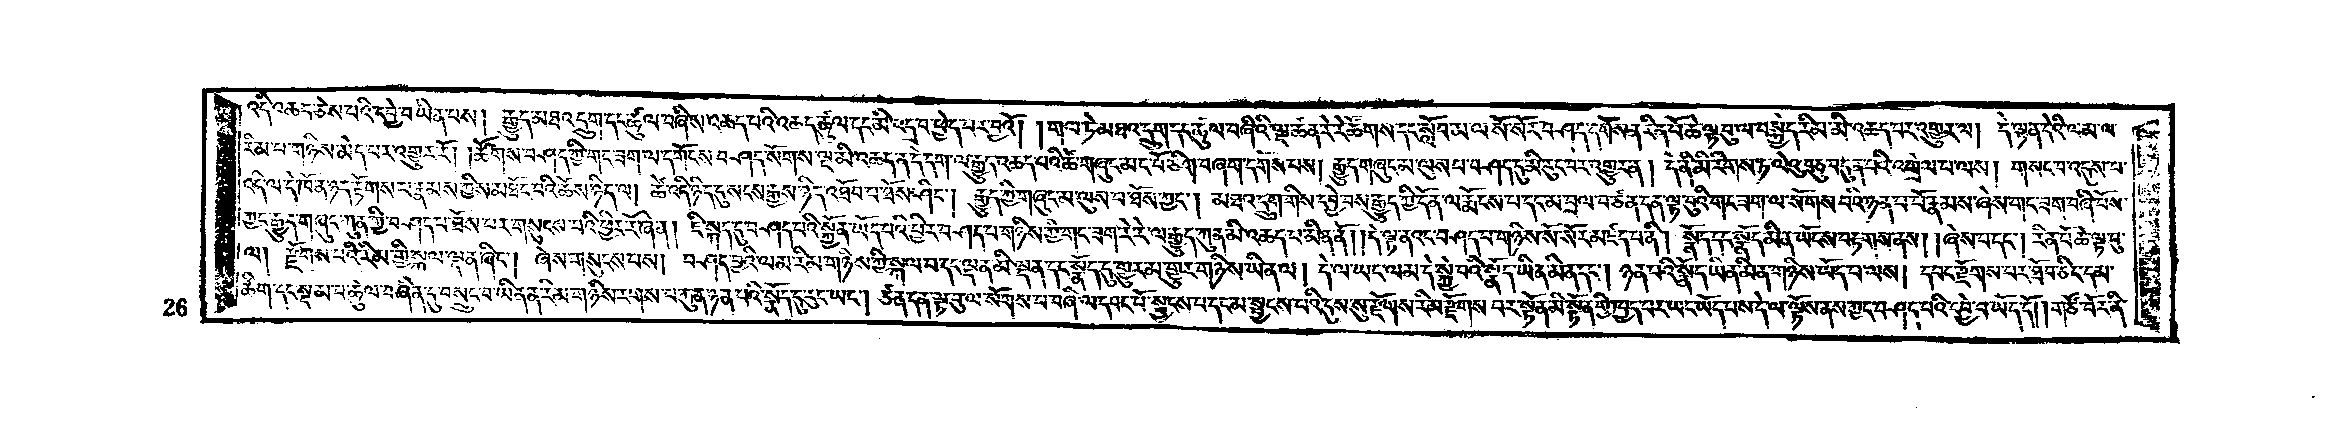འདི་འཆད་ཅེས་པའི་དབྱེ་བ་ཡིན་པས། རྒྱུད་མཐའ་དྲུག་དང་ཚུལ་བཞིས་འཆད་པའི་འཆད་ཚུལ་དང་མི་འདྲ་བ་ཕྱེད་པར་བྱའོ། །གལ་ཏེ་མཐའ་དྲུག་དང་ཚུལ་བཞིའི་ལྔ་ཚན་རེ་རེ་ཚོགས་དང་སློབ་མ་ལ་སོ་སོར་བཤད་དགོས་ན་རིན་པོ་ཆེ་ལྟ་བུ་ལ་བསྐྱེད་རིམ་མི་འཆད་པར་འགྱུར་ལ། དེ་ལྟ་ན་དེའི་ལམ་ལ་
རིམ་པ་གཉིས་མེད་པར་འགྱུར་རོ། །ཚོགས་བཤད་ཀྱི་གང་ཟག་ལ་དགོངས་བཤད་སོགས་ལྔ་མི་འཆད་ན་དེ་དག་ལ་རྒྱུད་འཆད་པའི་ཚེ་གཞུང་མང་པོ་ཅིག་བཞག་དགོས་པས། རྒྱུད་གཞུང་མ་ལུས་པ་བཤད་དུ་མི་རུང་བར་འགྱུར་ན། དེ་ནི་མི་རིགས་ཏ་ལེའུ་བཅུ་བདུན་པའི་འགྲེལ་པ་ལས། གསང་བ་འདུས་པ་
འདི་ལ་དེ་ཁོ་ན་ཉིད་རྟོགས་པ་རྣམས་ཀྱིས་མཐོང་བའི་ཆོས་ཉིད་ལ། ཚེ་འདི་ཉིད་དུ་སངས་རྒྱས་ཉིད་འཐོབ་པ་ཐོས་ཤིང་། རྒྱུད་ཀྱི་གཞུང་མ་ལུས་པ་ཐོས་ཀྱང་། མཐའ་དྲུག་གིས་དབྱེ་བས་རྒྱུད་ཀྱི་དོན་ལ་རྨོངས་པ་དང་མ་བྲལ་བ་ཙན་དན་ལྟ་བུའི་གང་ཟག་ལ་སོགས་པའི་ཉན་པ་པོ་རྣམས་ཞེས་གང་ཟག་བཞི་པོས་
ཀྱང་རྒྱུད་གཞུང་ཀུན་གྱི་བཤད་པ་ཐོས་པར་གསུངས་པའི་ཕྱིར་རོ་ཞེ་ན། ཇི་སྐད་དུ་བཤད་པའི་སྐྱོན་ཡོད་པའི་ཕྱིར་བཤད་པ་གཉིས་ཀྱི་གང་ཟག་རེ་རེ་ལ་རྒྱུད་ཀུན་མི་འཆད་པ་མིན་ནོ། །དེ་ལྟ་ནའང་བཤད་པ་གཉིས་སོ་སོར་མཛད་པ་ནི། སྣོད་དང་སྣོད་མིན་ཡོངས་བརྟགས་ནས། །ཞེས་པ་དང་། རིན་པོ་ཆེ་ལྟ་བུ་
ལ། རྫོགས་པའི་རིམ་གྱི་སྐལ་ལྡན་ཞིང་། ཞེས་གསུངས་པས། བཤད་བྱའི་ལམ་རིམ་གཉིས་ཀྱི་སྐལ་བ་དང་ལྡན་མི་ལྡན་དང་སྣོད་དུ་གྱུར་མ་གྱུར་གཉིས་ཡིན་ལ། དེ་ལ་ཡང་ལམ་དེ་སྐྱེ་བའི་སྣོད་ཡིན་མིན་དང་། ཉན་པའི་སྣོད་ཡིན་མིན་གཉིས་ཡོད་པ་ལས། དབང་རྫོགས་པར་ཐོབ་ཅིང་དམ་
ཚིག་དང་སྡོམ་པ་ཚུལ་བཞིན་དུ་བསྲུང་བ་ཡིན་ན་རིམ་གཉིས་རགས་པ་ཀུན་ཉན་པའི་སྣོད་དུ་རུང་ཡང་། ཙན་དན་ལྟ་བུ་ལ་སོགས་པ་བཞི་ལ་དབང་པོ་སྦྱངས་པ་དང་མ་སྦྱངས་པའི་དུས་སུ་རྫོགས་རིམ་རྫོགས་པར་སྟོན་མི་སྟོན་གྱི་ཁྱད་པར་ཡང་ཡོད་པས་དེ་ལ་ལྟོས་ནས་ཀྱང་བཤད་པའི་དབྱེ་བ་ཡོད་དོ། །གཙོ་བོར་ནི་